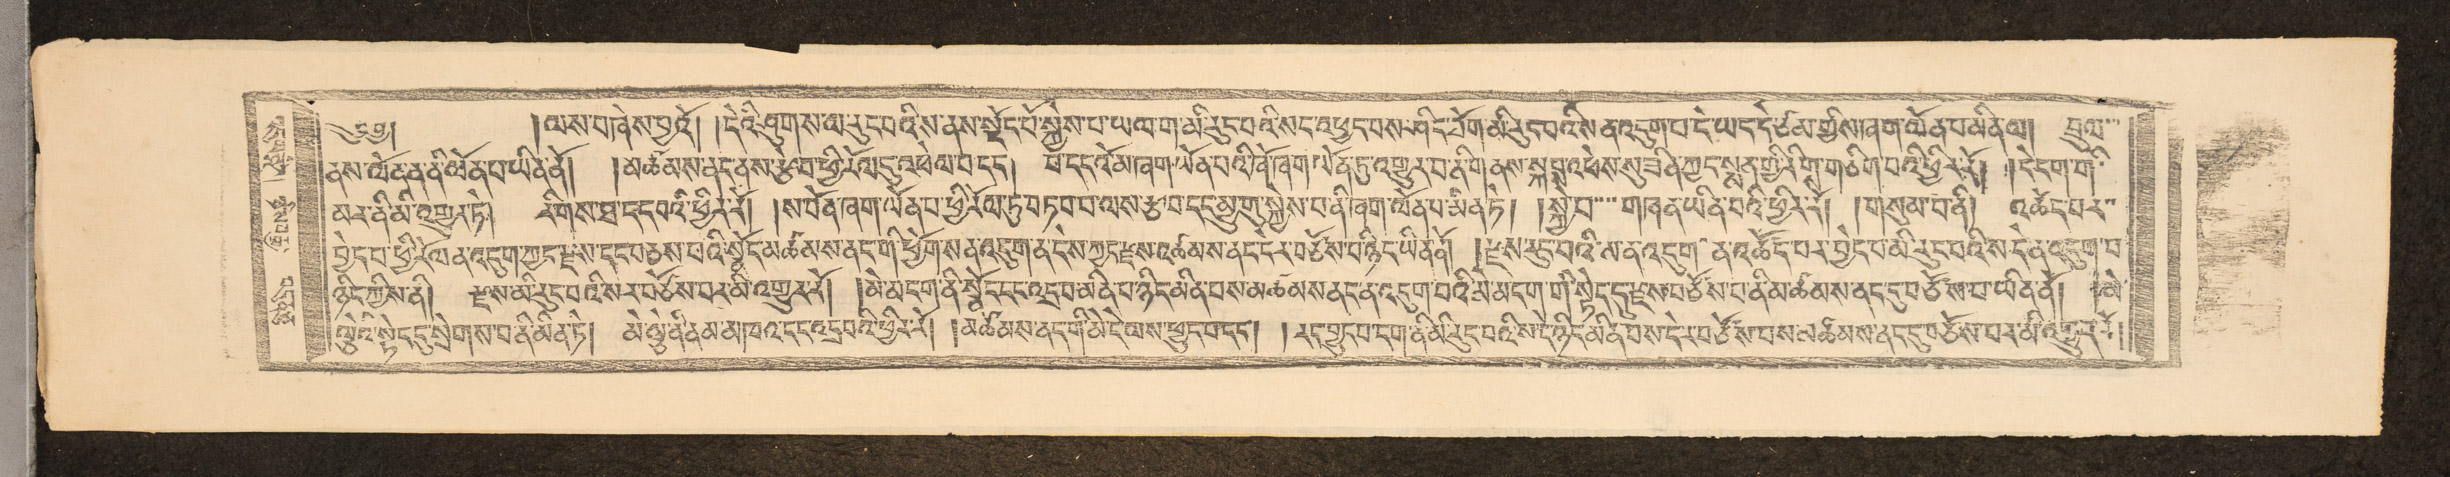༄༅། །ལས་པ་ཞེས་བྱའོ། །དེའི་ཤུགས་ལ་རུང་བའི་ས་ནས་སྡོང་པོ་སྐྱེས་པ་ཡལ་ག་མི་རུང་བའི་སར་འཕྱད་བས་ཤིང་ཐོག་མི་རུང་བའི་ས་ན་འདུག་པ་དེ་ཡང་དེ་ཙམ་གྱིས་ཞག་ལོན་པ་མིན་ལ། བྲུལ་
ནས་ལོན་ན་ནི་ལོན་པ་ཡིན་ནོ། །མཚམས་ནང་ནས་རྩ་བ་ཕྱི་རོལ་དུ་འཕེལ་བ་དང་། བ་དང་འོ་མ་ཞག་ལོན་པའི་ཞོ་ཞག་ལོན་ཏུ་འགྱུར་བ་ནི་གནས་སྐབས་འཕོས་སུ་ཟིན་ཀྱང་སྨན་གྱི་རིགས་གཅིག་པའི་ཕྱིར་རོ། །དེ་དག་གི་
མར་ནི་མི་འགྱུར་ཏེ། རིགས་ཐ་དད་པའི་ཕྱིར་རོ། །ས་བོན་ཞག་ལོན་པ་ཕྱི་རོལ་ཏུ་བཏབ་པ་ལས་རྩ་བ་དང་མྱུ་གུ་སྐྱེས་པ་ནི་ཞག་ལོན་པ་མིན་ཏེ། སྐྱེ་བ་གཞན་ཡིན་པའི་ཕྱིར་རོ། །གསུམ་པ་ནི། འཚོད་པར་
བྱེད་པ་ཕྱི་རོལ་ན་འདུག་ཀྱང་རྫས་དང་བཅས་པའི་སྣོད་མཚམས་ནང་གི་ཕྱོགས་ན་འདུག་ན་དེས་ཀྱང་རྫས་འཚམས་ནང་དེར་བཙོས་པ་ཉིད་ཡིན་ནོ། །རྫས་རུང་བའི་ས་ན་འདུག་ན་འཚོད་པར་བྱེད་པ་མི་རུང་བའི་ས་དེ་ན་འདུག་པ་
ཉིད་ཀྱིས་ནི། རྫས་མི་རུང་བའི་སར་བཙོས་པར་མི་འགྱུར་རོ། །མེ་མདག་ནི་སྣོད་དང་འདྲ་བ་མིན་པ་ཉིད་མིན་པས་མཚམས་ནང་ན་འདུག་པའི་མེ་མདག་གི་སྟེང་དུ་རྫས་བཙོས་པ་ནི་མཚམས་ནད་དུ་བཙོས་པ་ཡིན་ནོ། །མེ་
ལྕེའི་སྟེང་དུ་སྲེགས་པ་ནི་མིན་ཏེ། མེ་ལྕེ་ནི་ནམ་མཁའ་དང་འདྲ་བའི་ཕྱིར་རོ། །མཚམས་ནང་གི་མེ་དེ་ལས་ཕྱུང་བ་དང་། རང་བྱུང་བ་དག་ནི་མི་རུང་བའི་ས་དེ་ཉིད་མིན་པས་དེར་བཙོས་པས་མཚམས་ནང་དུ་བཙོས་པར་མི་འགྱུར་རོ།།